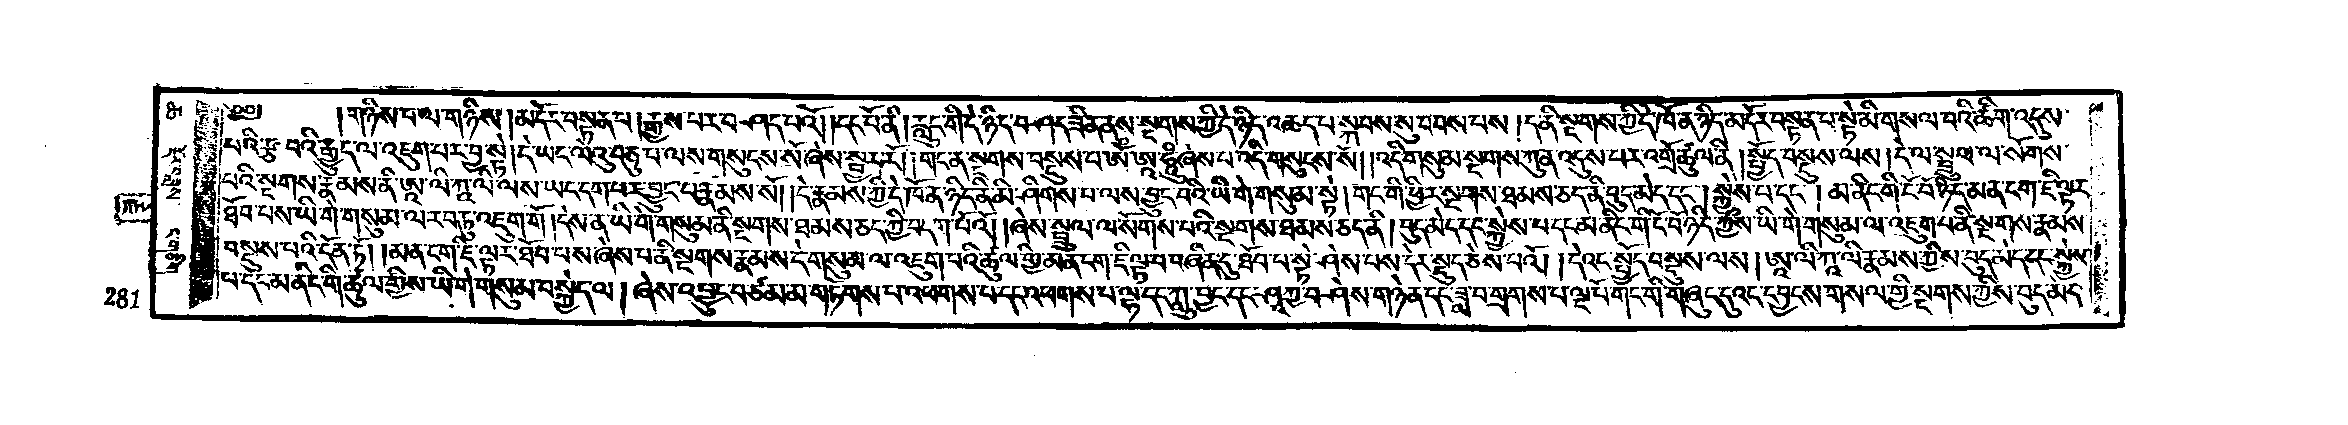༄༅། །གཉིས་པ་ལ་གཉིས། མདོར་བསྟན་པ། རྒྱས་པར་བཤད་པའོ། །དང་པོ་ནི། རླུང་གི་དེ་ཉིད་བཤད་ཟིན་ནས་སྔགས་ཀྱི་དེ་ཉིད་འཆད་པ་སྐབས་སུ་བབས་པས། ད་ནི་སྔགས་ཀྱི་དེ་ཁོ་ན་ཉིད་མདོར་བསྟན་པ་སྟེ་མི་གསལ་བའི་ཚིག་འདུས་
པའི་རྩ་བའི་རྒྱུད་ལ་འཇུག་པར་བྱ་སྟེ། དེ་ཡང་ལེའུ་བཅུ་པ་ལས་གསུངས་སོ་ཞེས་སྦྱར་རོ། །གང་ན་སྔགས་བསྡུས་པ་ཨོཾ་ཨཱ་ཧཱུཾ་ཞེས་པ་འདི་གསུངས་སོ། །འདི་གསུམ་སྔགས་ཀུན་འདུས་པར་འགྲོ་ཚུལ་ནི། སྤྱོད་བསྡུས་ལས། དེ་ལ་སྦྲུལ་ལ་སོགས་
པའི་སྔགས་རྣམས་ནི་ཨཱ་ལི་ཀཱ་ལི་ལས་ཡང་དག་པར་བྱུང་བ་རྣམས་སོ། །དེ་རྣམས་ཀྱི་དེ་ཁོ་ན་ཉིད་ནི་མི་ཤིགས་པ་ལས་བྱུང་བའི་ཡི་གེ་གསུམ་སྟེ། གང་གི་ཕྱིར་སྔགས་ཐམས་ཅད་ནི་བུད་མེད་དང་། སྐྱེས་པ་དང་། མ་ནིང་གི་ངོ་བོ་ཉིད་མན་ངག་ཇི་ལྟར་
ཐོབ་པས་ཡི་གེ་གསུམ་ལ་རབ་ཏུ་འཇུག་གོ །དེས་ན་ཡི་གེ་གསུམ་ནི་སྔགས་ཐམས་ཅད་ཀྱི་བདག་པོའོ། །ཞེས་སྦྲུལ་ལ་སོགས་པའི་སྔགས་ཐམས་ཅད་ནི། བུད་མེད་དང་སྐྱེས་པ་དང་མ་ནིང་གི་ངོ་བོ་ཉིད་ཀྱིས་ཡི་གེ་གསུམ་ལ་འཇུག་པ་ནི་སྔགས་རྣམས་
བསྡུས་པའི་དོན་ཏོ། །མན་ངག་ཇི་ལྟར་ཐོབ་པས་ཞེས་པ་ནི་སྔགས་རྣམས་དེ་གསུམ་ལ་འཇུག་པའི་ཚུལ་གྱི་མན་ངག་ཇི་ལྟ་བ་བཞིན་དུ་ཐོབ་པ་སྟེ་ཤེས་པས་དེར་སྡུད་ཅེས་པའོ། །དེའང་སྤྱོད་བསྡུས་ལས། ཨཱ་ལི་ཀཱ་ལི་རྣམས་ཀྱིས་བུད་མེད་དང་སྐྱེས་
པ་དང་མ་ནིང་གི་ཚུལ་གྱིས་ཡི་གེ་གསུམ་བསྐྱེད་ལ། ཞེས་འབྱུང་བ་ཙམ་མ་གཏོགས་པ་འཕགས་པ་དང་འཕགས་པ་ལྷ་དང་ཀླུ་བྱང་དང་ཤཱཀྱ་བཤེས་གཉེན་དང་ཟླ་བ་གྲགས་པ་ལྔ་པོ་གང་གི་གཞུང་དུའང་དབྱངས་གསལ་གྱི་སྔགས་ཀྱིས་བུད་མེད་